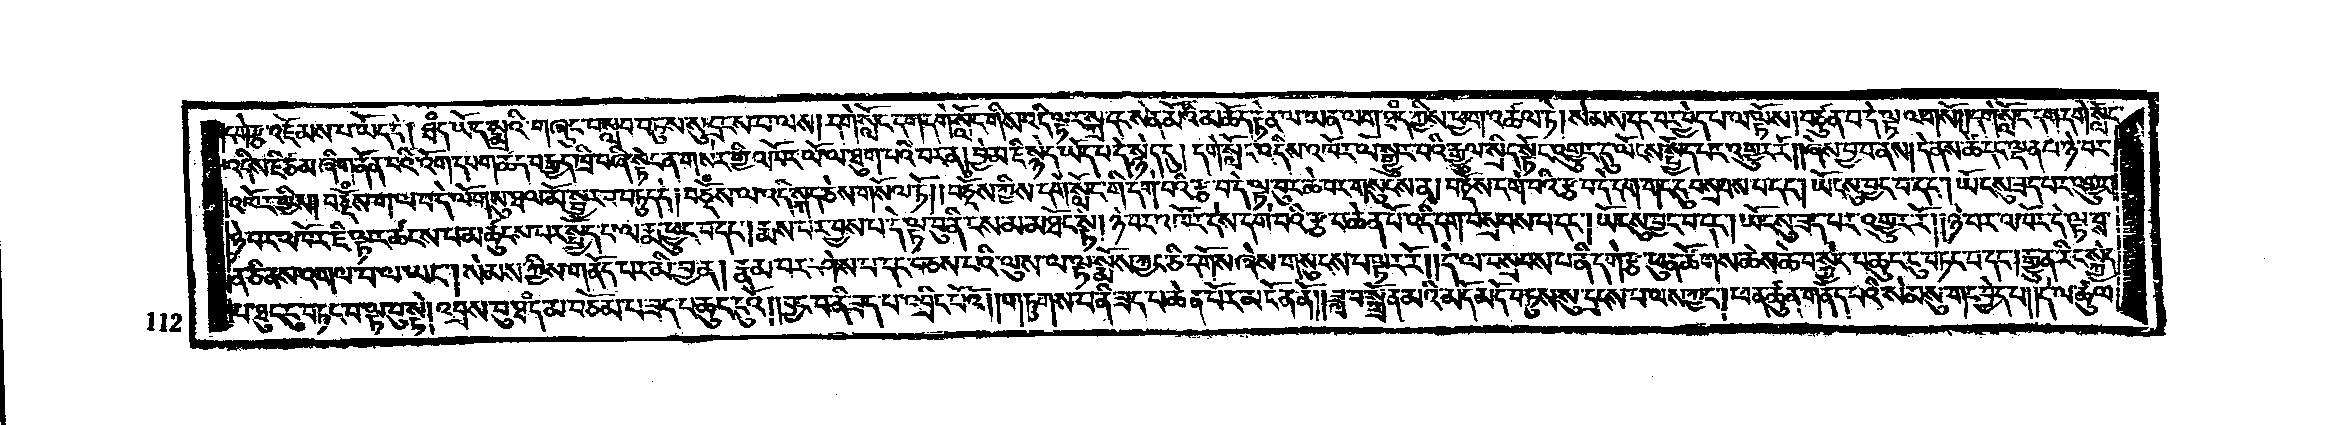དགེ་རྩ་འཇོམས་པ་ཡོད་དེ། ཐམས་ཅད་ཡོད་སྨྲའི་གཞུང་བསླབ་བཏུས་སུ་དྲངས་པ་ལས། དགེ་སློང་དག་དགེ་སློང་གིས་འདི་ལྟར་སྐྲ་དང་སེན་མོའི་མཆོད་རྟེན་ལ་ཡན་ལག་ཐམས་ཅད་ཀྱིས་ཕྱག་འཚལ་ཏེ། སེམས་དྭང་བར་བྱེད་པ་ལ་ལྟོས། བཙུན་བ་དེ་ལྟ་ལགས་སོ། །དགེ་སློང་དག་དགེ་སློང་
འདིས་ཇི་ཙམ་ཞིག་ནོན་པའི་འོག་དཔག་ཚད་བརྒྱད་ཁྲི་བཞི་སྟོང་ན་གསེར་གྱི་འཁོར་ལོ་ལ་ཐུག་པའི་བར་ན། བྱེ་མ་ཇི་སྙེད་ཡོད་པ་དེ་སྙེད་དུ་དགེ་སློང་འདིས་འཁོར་ལོ་སྒྱུར་བའི་རྒྱལ་སྲིད་སྟོང་འགྱུར་དུ་ལོངས་སྤྱོད་པར་འགྱུར་རོ། །ཞེས་བྱ་བ་ནས། དེ་ནས་ཚེ་དང་ལྡན་པ་ཉེ་བར་
འཁོར་གྱིས། བཅོམ་ལྡན་འདས་ག་ལ་བ་དེ་ལོགས་སུ་ཐལ་མོ་སྦྱར་བ་བཏུད་དེ། བཅོམ་ལྡན་འདས་ལ་འདི་སྐད་ཅེས་གསོལ་ཏོ། །བཅོམ་ལྡན་འདས་ཀྱིས་དགེ་སློང་གི་དགེ་བའི་རྩ་བ་དེ་ལྟ་བུར་ཆེ་བར་གསུངས་ན། བཅོམ་ལྡན་འདས་དགེ་བའི་རྩ་བ་དེ་དག་གང་དུ་བསྲབས་པ་དང་། ཡོངས་སུ་བྱང་བ་དང་། ཡོངས་སུ་ཟད་པར་འགྱུར།
ཉེ་བར་འཁོར་ཇི་ལྟར་ཚངས་པ་མཚུངས་པར་སྤྱོད་པ་ལ་རྨ་ཕྱུང་བ་དང་། རྨས་པར་བྱས་པ་དེ་ལྟ་བུ་ནི་ངས་མ་མཐོང་སྟེ། ཉེ་བར་འཁོར་དེས་དགེ་བའི་རྩ་བ་ཆེན་པོ་འདི་དག་བསྲབས་པ་དང་། ཡོངས་སུ་བྱང་བ་དང་། ཡོངས་སུ་ཟད་པར་འགྱུར་རོ། །ཉེ་བར་འཁོར་དེ་ལྟ་བས་
ན་ཅི་ནས་འགལ་བ་ལ་ཡང་། སེམས་ཀྱིས་གནོད་པར་མི་བྱ་ན། རྣམ་པར་ཤེས་པ་དང་བཅས་པའི་ལུས་ལ་ལྟ་སྨོས་ཀྱང་ཅི་དགོས་ཞེས་གསུངས་པ་ལྟར་རོ། །དེ་ལ་བསྲབས་པ་ནི་དགེ་རྩ་ཕུན་ཚོགས་ཆེས་ཆེ་བ་སྐྱེད་པ་ཆུང་ངུ་བཏང་བ་དང་། རྒྱུན་རིང་སྐྱེད་
པ་ཐུང་ངུ་བཏང་བ་ལྟ་བུ་སྟེ། འབྲས་བུ་ཐམས་ཅད་མ་བཅོམ་པ་ཟད་པ་ཆུང་ངུའི། །བྱང་བ་ནི་ཟད་པ་འབྲིང་པོའི། །གཏུགས་བ་ནི་ཟད་པ་ཆེན་པོར་མངོན་ནོ། །ཟླ་བ་སྒྲོན་མའི་མདོ་མདོ་བཏུས་སུ་དྲངས་པ་ལས་ཀྱང་། ཕན་ཚུན་གནོད་པའི་སེམས་སུ་གང་བྱེད་པ། །དེ་ལ་ཚུལ་